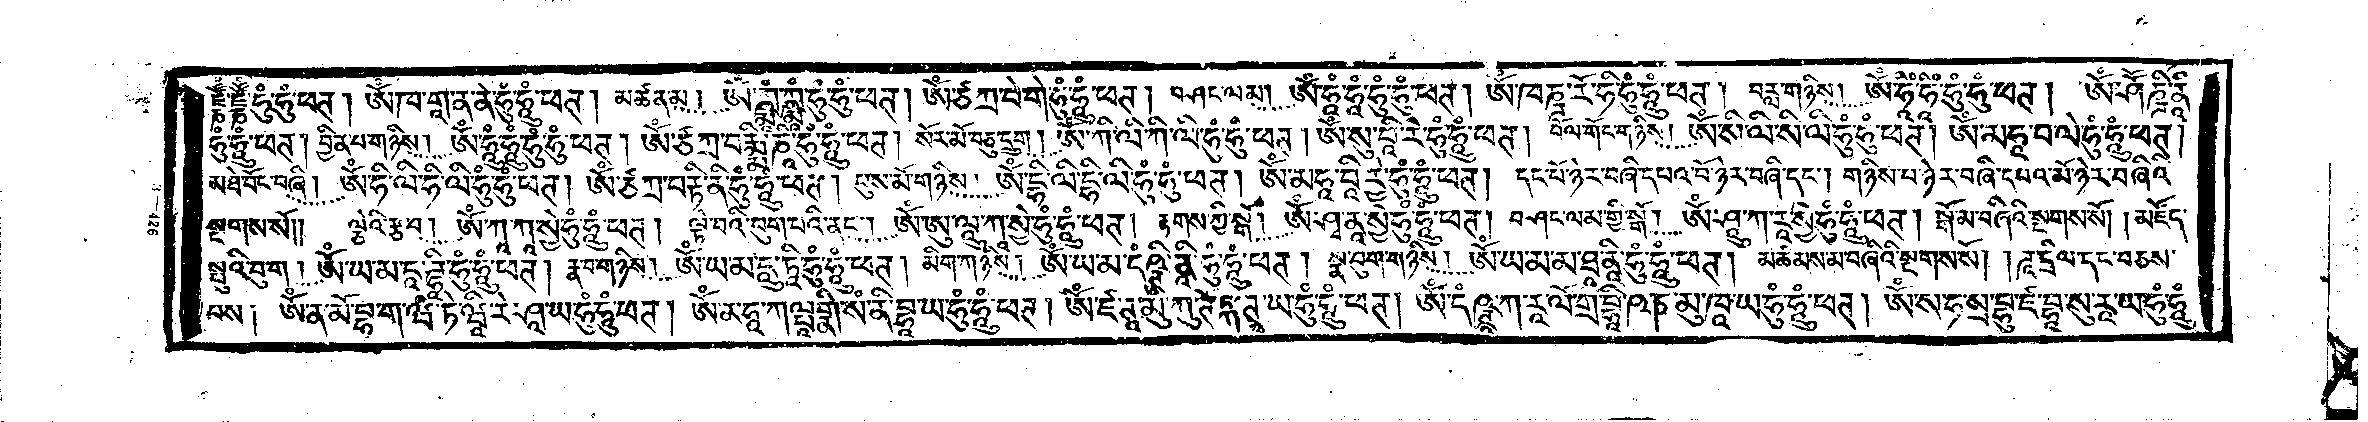ཛྞཽཾ་ཛྞཽཾ་ཧུཾ་ཧུཾ་ཕཊ། ཨོཾ་ཁ་གཱ་ན་ནེ་ཧཱུཾ་ཧཱུཾ་ཕཊ། མཚན་མ་ཨོཾ་ཀྵྨཱཾ་ཀྵྨཱཾ་ཧཱུཾ་ཧཱུཾ་ཕཊ།  ཨོཾ་ཙ་ཀྲ་བེ་གེ་ཧཱུཾ་ཧཱུཾ་ཕཊ། བཤང་ལམ་ཨོཾ་ཧཱཾ་ཧཱུཾ་ཧཱུཾ་ཧཱུཾ་ཕཊ།  ཨོཾ་ཁཎྜ་རོ་ཧི་ཧཱུཾ་ཧཱུཾ་ཕཊ། བརླ་གཉིས་ཨོཾ་ཧཱིཾ་ཧཱིཾ་ཧཱུཾ་ཧཱུཾ་ཕཊ།  ཨོཾ་ཤཽཎྜི་ནཱི་
ཧཱུཾ་ཧཱུཾ་ཕཊ། བྱིན་པ་གཉིས་ཨོཾ་ཧཱུཾ་ཧཱུཾ་ཧུཾ་ཧུཾ་ཕཊ།  ཨོཾ་ཙ་ཀྲ་བརྨྨི་ཎཱིཾ་ཧུཾ་ཧཱུཾ་ཕཊ། སོར་མོ་བཅུ་དྲུག་ཨོཾ་ཀི་ལི་ཀི་ལི་ཧུཾ་ཧུཾ་ཕཊ།  ཨོཾ་སུ་བཱི་རེ་ཧཱུཾ་ཧཱུཾ་ཕཊ། བོལ་གོང་གཉིས་ཨོཾ་སི་ལི་སི་ལི་ཧུཾ་ཧུཾ་ཕཊ།  ཨོཾ་མཧཱ་བ་ལེ་ཧུཾ་ཧཱུཾ་ཕཊ།
མཐེ་བོང་ཨོཾ་བཞི་ཧི་ལི་ཧི་ལི་ཧཱུཾ་ཧཱུཾ་ཕཊ། ཨོཾ་ཙ་ཀྲ་བརྟི་ཅད་སྐབས་སུ་བབ་པར་མཚུངས་པ་མ་ཡིན་ཏེ་།སྐབས་
འདིར་ཆོས་ཅན་སྒྲ་སྐབས་སུ་བབ་པ་ཡིན་ཡང་རྟག་པ་ནམཁའི་ཡོན་ཏན་སྒྲའི་ཆོས་སུ་དངོས་པོ་ལ་འབྲེལ་པ་མེད་པའི་ཕྱིར་རོ། །གཉིས་པ་ནི་།འོན་ཀྱང་ནམ་མཁའི་ཡོན་ཏན་ལ་སོགས་པ་འདི་དག་ནི་སྒྲའི་ཆོས་སུ་དངོས་པོ་ལ་འབྲལ་པ་མེད་ཀྱང་བྱེ་བྲག་པའི་
བསྟན་བཅོས་ཁས་བླངས་པའི་སྒོ་ནས་བསྒྲུབ་བྱར་འབྲེལ་པ་ཡིན་པས་དེ་བཀག་ན་སྐབས་ཀྱི་བསྒྲུབ་བྱ་ལ་གནོད་པར་འགྱུར་རོ་ཞེ་ན། སྒྲ་ལ་རྟག་པ་ནམཁའི་ཡོན་ཏན་བཀག་པ་དང་།དྲི་ལ་རྟག་པ་སའི་ཡོན་ཏན་བཀག་པ་འདི་གཉིས་ལ་སྒྲ་མི་
རྟག་པའི་བསྒྲུབ་བྱ་ལ་གནོད་མི་གནོད་ཀྱི་བྱེ་བྲག་མེད་པར་ཐལ་།དེ་གཉིས་བཀག་ན་ལུང་དོན་བཀག་པ་དེ་ནི་གཉིས་པོ་སོགས་ཐམས་ཅད་ལ་མཚུངས་པའི་ཕྱིར། གཉིས་པ་ལ་གཉིས། རྩོད་པ་དང་།ལན་ནོ། །དང་པོ་ནི། འོན་ཏེ་སྒྲ་ནམ་མཁའི་ཡོན་
ཏན་ཡང་སྒྲ་མི་རྟག་པར་སྒྲུབ་པའི་རྒོལ་བས་ཀྱང་དཔག་པར་འདོད་པས་ཡུལ་དུ་བྱས་ནས་སྒྲུབ་པར་བྱེད་དེ་སྒྲུབ་པར་བྱ་བ་སྒྲ་མི་རྟག་པའི་སྤྱིའི་ཕྱོགས་གཅིག་ཏུ་གྱུར་པའི་ཁྱད་པར་ཡིན་པའི་ཕྱིར། བསྒྲུབ་པར་བྱའི་ཆོས་མི་རྟག་པ་བཞིན་ནོ་ཞེ་ན།
གཉིས་པ་ལ་གཉིས། རྒྱས་པར་བཤད་པ་དང་།བསྡུས་ཏེ་བསྟན་པའོ། །དང་པོ་ལ་གསུམ་།རྟགས་དེའི་ཁྱབ་པ་མ་ངེས་པ་དང་།རྒོལ་བའི་དཔག་འདོད་སྐྱེ་བ་དང་རྟོགས་པའི་ཚུལ་དང་།དམ་བཅའ་ལ་མངོན་སུམ་གྱིས་བསལ་པའོ། །དང་པོ་ནི་།བསྒྲུབ་